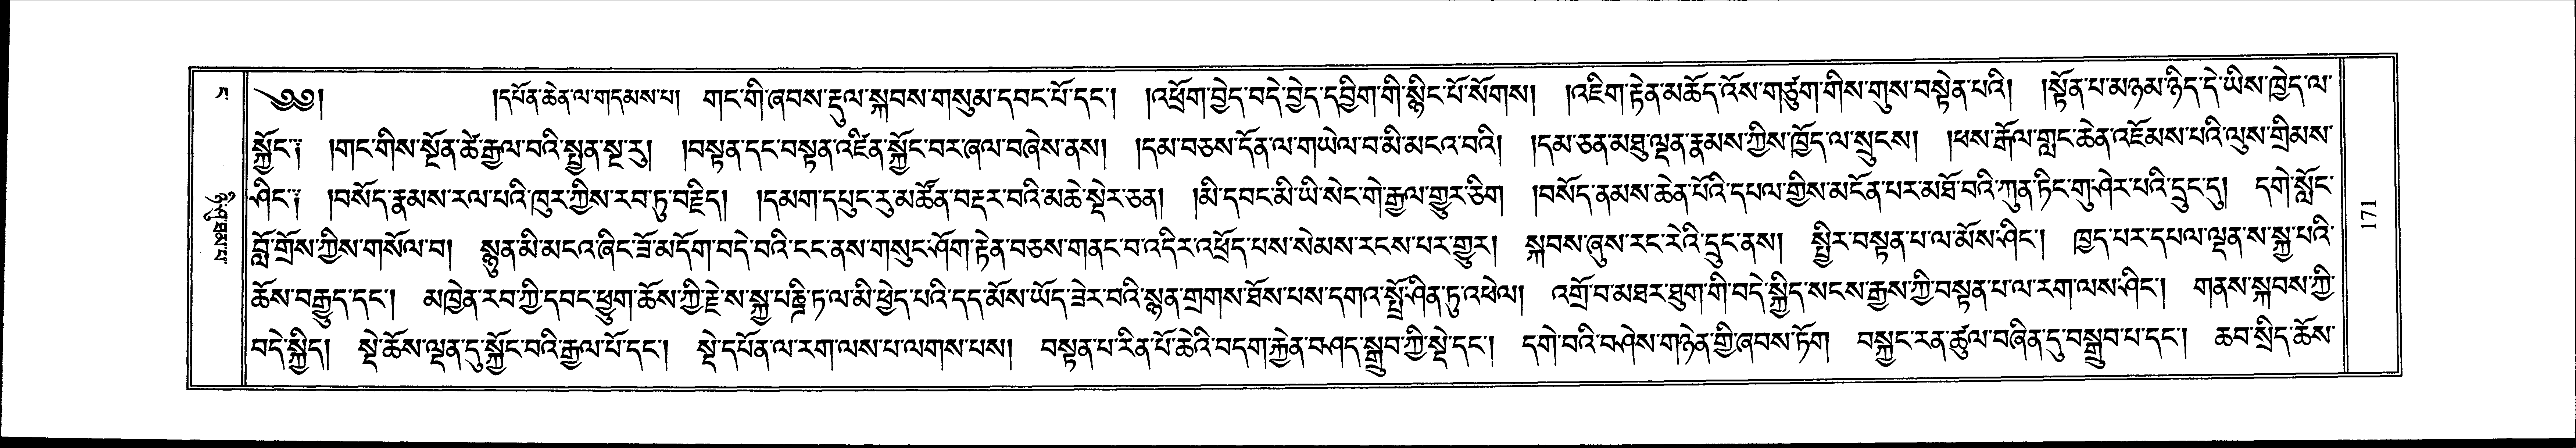༄༅། །དཔོན་ཆེན་ལ་གདམས་པ། གང་གི་ཞབས་རྡུལ་སྐབས་གསུམ་དབང་པོ་དང་། །འཕྲོག་བྱེད་བདེ་བྱེད་དབྱིག་གི་སྙིང་པོ་སོགས། །འཇིག་རྟེན་མཆོད་འོས་གཙུགས་གིས་གུས་བསྟེན་པའི། །སྟོན་པ་མཉམ་ཉིད་དེ་ཡིས་ཁྱེད་ལ་
སྐྱོང་། །གང་གིས་སྔོན་ཚེ་རྒྱལ་བའི་སྤྱན་སྔ་རུ། །བསྟན་དང་བསྟན་འཛིན་སྐྱོང་བར་ཞལ་བཞེས་ནས། །དམ་བཅས་དོན་ལ་གཡེལ་བ་མི་མངའ་བའི། །དམ་ཅན་མཐུ་ལྡན་རྣམས་ཀྱིས་ཁྱོད་ལ་སྲུངས། །ཕས་རྒོལ་གླང་ཆེན་འཇོམས་པའི་ལུས་གྲིམས་
ཤིང་། །བསོད་རྣམས་རལ་པའི་ཁུར་ཀྱིས་རབ་ཏུ་བརྗིད། །དམག་དཔུང་རུ་མཚོན་བརྡར་བའི་མཆེ་སྡེར་ཅན། །མི་དབང་མི་ཡི་སེང་གེ་རྒྱལ་གྱུར་ཅིག །བསོད་ནམས་ཆེན་པོའི་དཔལ་གྱིས་མངོན་པར་མཐོ་བའི་ཀུན་ཏིང་གུ་ཤེར་པའི་དྲུང་དུ། །དགེ་སློང་
བློ་གྲོས་ཀྱིས་གསོལ་བ། སྙུན་མི་མངའ་ཞིང་ཟོ་མདོག་བདེ་བའི་ངང་ནས་གསུངས་ཤོག་རྟེན་བཅས་གནང་བ་འདིར་འཕྲོད་པས་སེམས་རངས་པར་གྱུར། །སྐབས་ཞུས་རང་རེའི་དྲུང་ནས། །སྤྱིར་བསྟན་པ་ལ་མོས་ཤིང་། །ཁྱད་པར་དཔལ་ལྡན་ས་སྐྱ་པའི་
ཆོས་བརྒྱུད་དང་། །མཁྱེན་རབ་ཀྱི་དབང་ཕྱུག་ཆོས་ཀྱི་རྗེས་སྐྱ་པཎྜི་ཏ་ལ་མི་ཕྱེད་པའི་དད་མོས་ཡོད་ཟེར་བའི་སྙན་གྲགས་ཐོས་པས་དགའ་སྤྲོ་ཤིན་ཏུ་འཕེལ། །འགྲོ་བ་མཐར་ཐུག་གི་བདེ་སྐྱིད། སངས་རྒྱས་ཀྱི་བསྟན་པ་ལ་རག་ལས་ཤིང་། གན་སྐབས་ཀྱི་
བདེ་སྐྱིད། སྡེ་ཆོས་ལྡན་དུ་སྐྱོང་བའི་རྒྱལ་ཨོ་དང་། སྡེ་དཔོན་ལ་རགས་ལས་པ་ལགས་པས། །བསྟན་པ་རིན་པོ་ཆེའི་བདག་རྐྱེན་བཤད་སྒྲུབ་ཀྱི་སྡེ་དང་། དགེ་བའི་བཤེས་གཉེན་གྱི་ཞབས་ཏོག །བསྐྱང་རན་ཚུལ་བཞིན་དུ་བསྒྲུབ་པ་དང་། ཆབ་སྲིད་ཆོས་